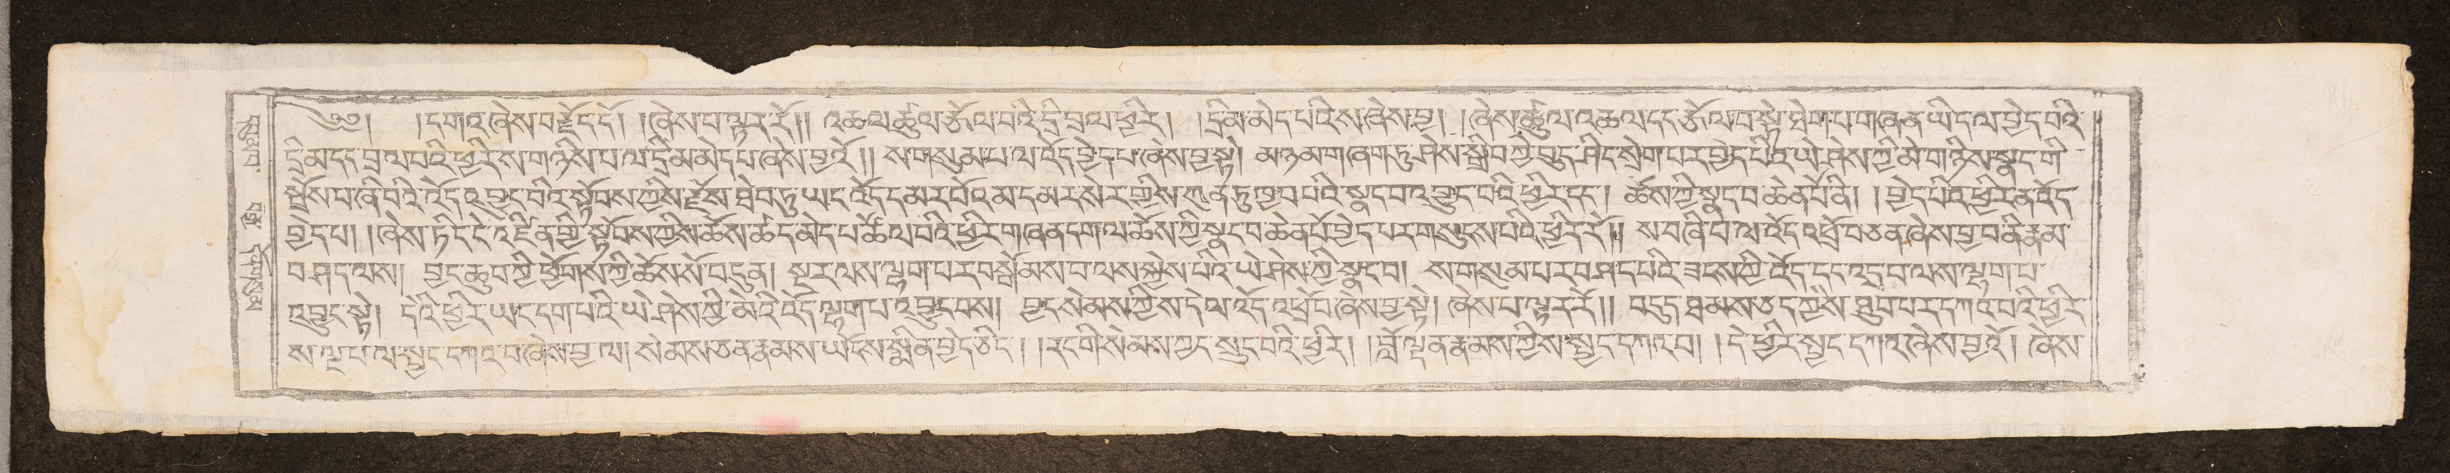༄༅། །དགའ་ཞེས་བརྗོད་དོ། །ཞེས་པ་ལྟར་རོ།། འཆལ་ཚུལ་རྩོལ་བའི་དྲི་བྲལ་ཕྱིར། །དྲི་མ་མེད་པའི་ས་ཞེས་བྱ། །ཞེས་ཚུལ་འཆལ་དང་རྩོལ་བ་སྟེ་ཐེག་པ་གཞན་ཡིད་ལ་བྱེད་པའི་
དྲི་མ་དང་བྲལ་བའི་ཕྱིར་ས་གཉིས་པ་ལ་དྲི་མ་མེད་པ་ཞེས་བྱའོ། །ས་གསུམ་པ་ལ་འོད་བྱེད་པ་ཞེས་བྱ་སྟེ། མཉམ་གཞག་ཏུ་ཤེས་སྒྲིབ་ཀྱི་བུད་ཤིང་སྲེག་པར་བྱེད་པའི་ཡེ་ཤེས་ཀྱི་མེ་གཉིས་སྣང་གི་
སྦྲོས་པ་ཞི་བའི་འོད་འབྱུང་བའི་སྟོབས་ཀྱིས་རྗོས་ཐེབ་ཏུ་ཡང་འོད་དམར་པོའམ་དམར་སེར་གྱིས་ཀུན་ཏུ་ཁྱབ་པའི་སྣང་བ་འབྱུང་བའི་ཕྱིར་དང་། ཆོས་ཀྱི་སྣང་བ་ཆེན་པོ་ནི། །བྱེད་པའི་ཕྱིར་ན་འོད་
བྱེད་པ། །ཞེས་ཏིང་ངེ་འཛིན་གྱི་སྟོབས་ཀྱིས་ཆོས་ཚད་མེད་པ་ཚོལ་བའི་ཕྱིར་གཞན་དག་ལ་ཆོས་ཀྱི་སྣང་བ་ཆེན་པོ་བྱེད་པར་གསུངས་པའི་ཕྱིར་རོ།། ས་བཞི་པ་ལ་འོད་འཕྲོ་བ་ཅན་ཞེས་བྱ་བ་ནི་རྣམ་
བཤད་ལས། བྱང་ཆུབ་ཀྱི་ཕྱོགས་ཀྱི་ཆོས་སོ་བདུན། སྔར་ལས་ལྷག་པར་བསྒོམས་བ་ལས་སྐྱེས་པའི་ཡེ་ཤེས་ཀྱི་སྣང་བ། ས་གསུམ་པར་བཤད་པའི་ཟངས་ཀྱི་འོད་དང་འདྲ་བ་ལས་ལྷག་པ་
འབྱུང་སྟེ། དེའི་ཕྱིར་ཡང་དག་པའི་ཡེ་ཤེས་ཀྱི་མེའི་འོད་ལྷག་པ་འབྱུང་བས། བྱང་སེམས་ཀྱི་ས་དེ་ལ་འོད་འཕྲོ་བ་ཞེས་བྱ་སྟེ། ཞེས་པ་ལྟར་རོ།། བདུད་ཐམས་ཅད་ཀྱིས་ཐུབ་པར་དཀའ་བའི་ཕྱིར་
ས་ལྔ་པ་ལ་སྤྱད་དཀའ་བ་ཞེས་བྱ་ལ། སེམས་ཅན་རྣམས་ཡོངས་སྨིན་བྱེད་ཅིང་། །རང་གི་སེམས་ཀྱང་སྲུང་བའི་ཕྱིར། །བློ་ལྡན་རྣམས་ཀྱིས་སྤྱད་དཀའ་བ། །དེ་ཕྱིར་སྤྱད་དཀའ་ཞེས་བྱའོ། ཞེས་